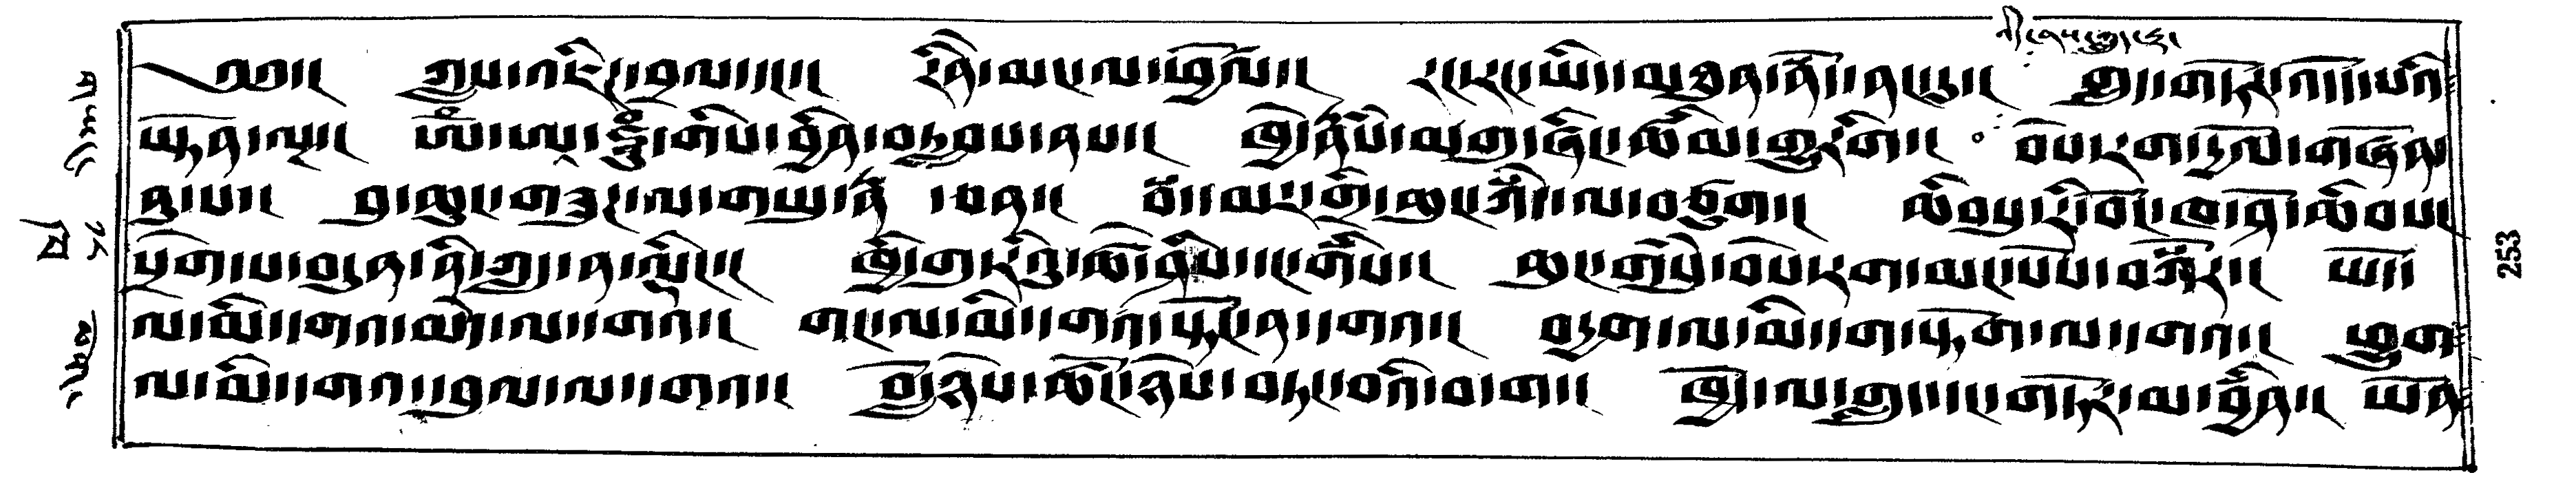ཀླས་འཇིགས་བྲལ་དང་། །རིན་ཆེན་མང་ལ་ཕྱག་འཚལ་ལོ། །རང་རང་ཡིད་མཐུན་སྣོང་ནང་དུ། གླུད་གཏོར་འདོད་པའི་
ཡོན་ཏན་ལྔ་། །ཨོཾ་ཨཱ་ཧཱུྃ་གིས་བྱིན་བརླབས་ནས། །ཁྱེད་རྣམས་མགུ་ཞིང་ཚིམ་གྱུར་ཅིག། འདི་ནས་གླུད་རྟ། བསེ་རག་རྒྱལ་པོ་གཞོན་
ནུ་པ། །བུ་ཆུང་གཟུགས་ལ་གཡུ་རྣ་ཅན། །སྦང་དམར་གྲི་ཆུང་སྐེད་ལ་བཙུད། །ཆིབས་སུ་རི་བོང་ཁ་ཤོ་བཅིབས། །
སྲེག་པ་བདུན་ནི་ཀླད་ན་ལྡིང་། །ཁྱི་གུ་རིའུ་ཚེ་ཤིས་དང་གིས། །ཆུང་གསུམ་བསེ་རག་མང་པོས་བསྐོར། །ཡོད་
ན་མི་དགའ་མེད་ན་དགའ། གང་ན་མི་དགའ་སྟོང་ན་དགའ། །རྒྱགས་ན་མི་དགའ་ལྟོག་ན་དགའ། །ཕྱུག་
ལ་མི་དགའ་དབུལ་ལ་དགའ། །བློ་ཉེས་ཚོང་ཉེས་བཏང་བའི་བདག། །ཁྱོད་ལ་གླུད་དང་གཏོར་མ་སྦྱིན། །ཡོན་